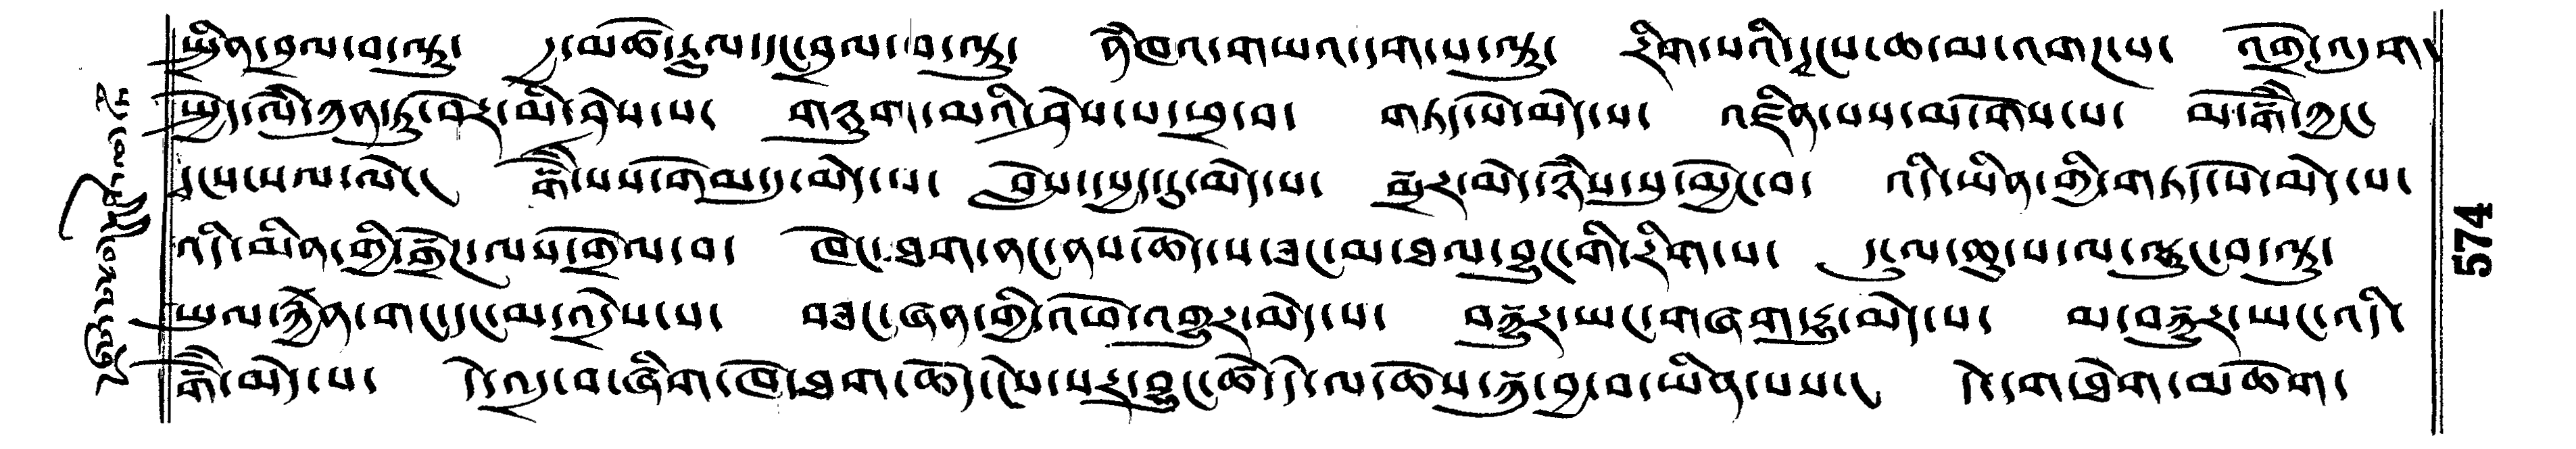སྤྲིན་དང་བྲལ་བ་ལྟ་བུ། རྒྱ་མཚོ་རྡུལ་དང་བྲལ་བ་ལྟ་བུ། ནམ་མཁའ་གཡའ་དག་པ་ལྟ་བུ། རིག་པའི་དྭངས་ཆ་མ་འགགས་པ། འགྲོ་འདུག་
སྤྱོད་ལམ་ཀུན་ཏུ་བོར་མི་ཤེས་པ། གཉུག་མའི་ཤེས་པ་ཕྲ་བ། གཏད་སོ་མེད་པ། འཛིན་པས་མ་གོས་པ། མ་སྒོམ་ཀྱང་
དྭངས་གསལ་ལེ། སྒོམ་པས་གོམ་དུ་མེད་པ། བློས་དཔྱད་དུ་མེད་པ། སྨྲར་མེད་ཉམས་སུ་མྱོང་བ། འདི་ཡིན་གྱི་གཏད་སོ་མེད་པ། 
འདི་མིན་གྱི་སྒྲོག་ལས་གྲོལ་བ། ཁོ་ཐག་ནང་ནས་ཆོད་པ། ཟང་མ་ཐལ་བྱུང་གི་རིག་པ། དངུལ་ཆུ་ས་ལ་ལྷུང་བ་ལྟ་བུ་
ཡུལ་རྐྱེན་གང་དང་མ་འདྲེས་པ། བཟང་ཞན་གྱི་འཕོ་འགྱུར་མེད་པ། བསྐྱུར་ཡང་གཞག་རྒྱུ་མེད་པ། མ་བསྐྱུར་ཡང་འདི་
སྒོམ་མེད་པ། དེ་འདྲ་བ་ཞིག་ཁོ་ཐག་ཆོད་ངེས་པར་བྱུང་ཚེ་དེ་ལ་ཆོས་སྐུ་བྱ་བ་ཡིན་པས། དེ་དག་ཐེག་མཆོག་